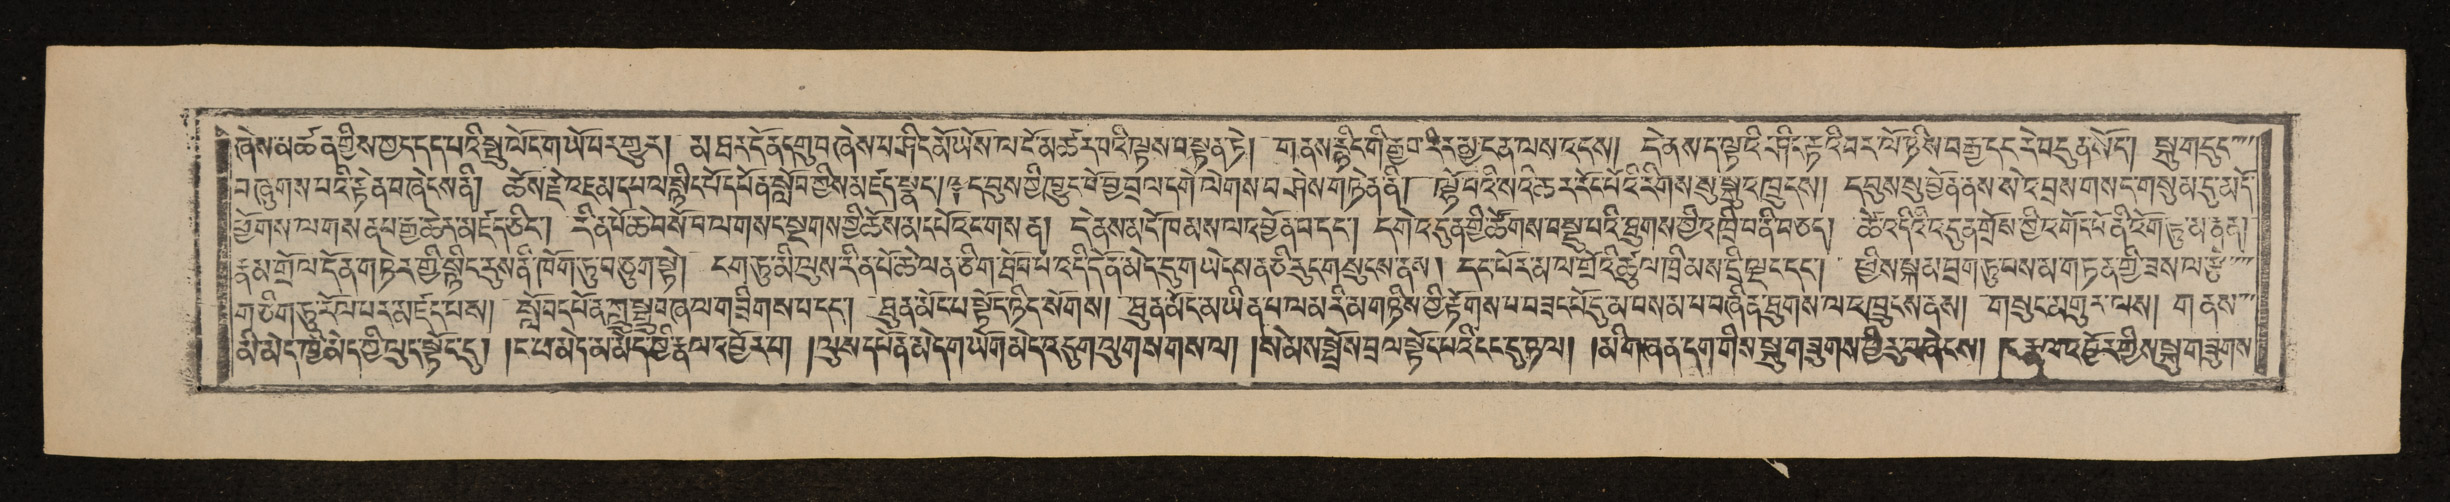ཞེས་མཚན་གྱིས་ཀྱང་དད་པའི་སྤུ་ལོང་གཡོ་བར་གྱུར། མཐར་དོན་དགུ་བཞེས་པ་ཤིང་མོ་ཡོས་ལ་ངོ་མཚར་བའི་ལྟས་བསྟན་ཏེ། གནས་རྙིང་གི་རྒྱར་རིར་མྱ་ངན་ལས་འདས། དེ་ནས་ད་ལྟའི་ཤིང་རྟའི་བར་ལོ་ཉིས་བརྒྱ་དང་རེ་བདུན་སོང་། སྐུ་གདུང་
བཞུགས་པའི་རྟེན་བཞེངས་ནི། ཆོས་རྗེ་འཇམ་དཔལ་སྙིང་པོ་དཔོན་སློབ་ཀྱིས་མཛད་སྣང་། ༈ དབུས་ཀྱི་ཁྱུང་ངོ་བྱ་བྲལ་དགེ་ལེགས་བཤེས་གཉེན་ནི། ལྷོ་བའི་སའི་ཆར་རོང་བོའི་རིགས་སུ་སྐུ་འཁྲུངས། དབུས་སུ་བྱོན་ནས་སེ་འབྲས་གསང་གསུམ་དུ་མདོ་
ཕྱོགས་ལ་གསན་པ་རྒྱ་ཆེར་མཛད་ཅིང་། རིན་པོ་ཆེ་བ་སོ་བ་ལ་གསང་སྔགས་ཀྱི་ཆོས་མང་པོའང་གསན། དེ་ནས་མདོ་ཁམས་ལ་འབྱོན་པ་དང་། དགེ་འདུན་གྱི་ཚོགས་བསྡུ་བའི་ཐུགས་ཀྱི་འཁྲི་བ་ནི་བཅད། ཚེ་འདིའི་འདུན་གྲོས་ཀྱི་འགོང་བོ་ནི་འོག་ཏུ་མནན།
རྣམ་གྲོལ་དོན་གཉེར་གྱི་སྙིང་རུས་ནི་ཁོག་ཏུ་བཅུག་སྟེ། ངག་ཏུ་མི་ལུས་རིན་པོ་ཆེ་ལན་ཅིག་ཐོབ་པ་འདི་དོན་མེད་དུ་གཡེངས་ན་ཅི་རུང་གསུངས་ནས། དང་པོར་མལ་གྲོའི་ཚུལ་ཁྲིམས་དྲི་ལྡང་དང་། ཕྱིས་སྐམ་བྲག་ཏུ་བསམ་གཏན་གྱི་བྲས་ལ་རྩེ་
གཅིག་ཏུ་རོལ་པར་མཛད་པས། སློབ་དཔོན་ཀླུ་སྒྲུབ་ཞལ་གཟིགས་པ་དང་། ཐུན་མོང་བ་སྟོང་ཉིད་སོགས། ཐུན་མོང་མ་ཡིན་པ་ལམ་རིམ་གཉིས་ཀྱི་རྟོགས་པ་བཟང་པོ་དུ་མ་བསམ་པ་བཞིན་ཐུགས་ལ་འཁྲུངས་ནས། གསུང་མགུར་ལས། གནས་
མི་མེད་ཁྱི་མེད་ཀྱི་ལུང་སྟོང་དུ། །ང་ཕ་མེད་མ་མེད་ཀྱི་རྣལ་འབྱོར་པ། །ལུས་དཔོན་མེད་གཡོག་མེད་འདུག་ལུགས་གསལ། །སེམས་སྤྲོས་བྲལ་སྟོང་པའི་ངང་དུ་ཉལ། །མི་གཞན་དག་གིས་སྐུ་གཟུགས་ཕྱི་རུ་བཞེངས། །ང་རྣལ་འབྱོར་གྱིས་སྐུ་གཟུགས་